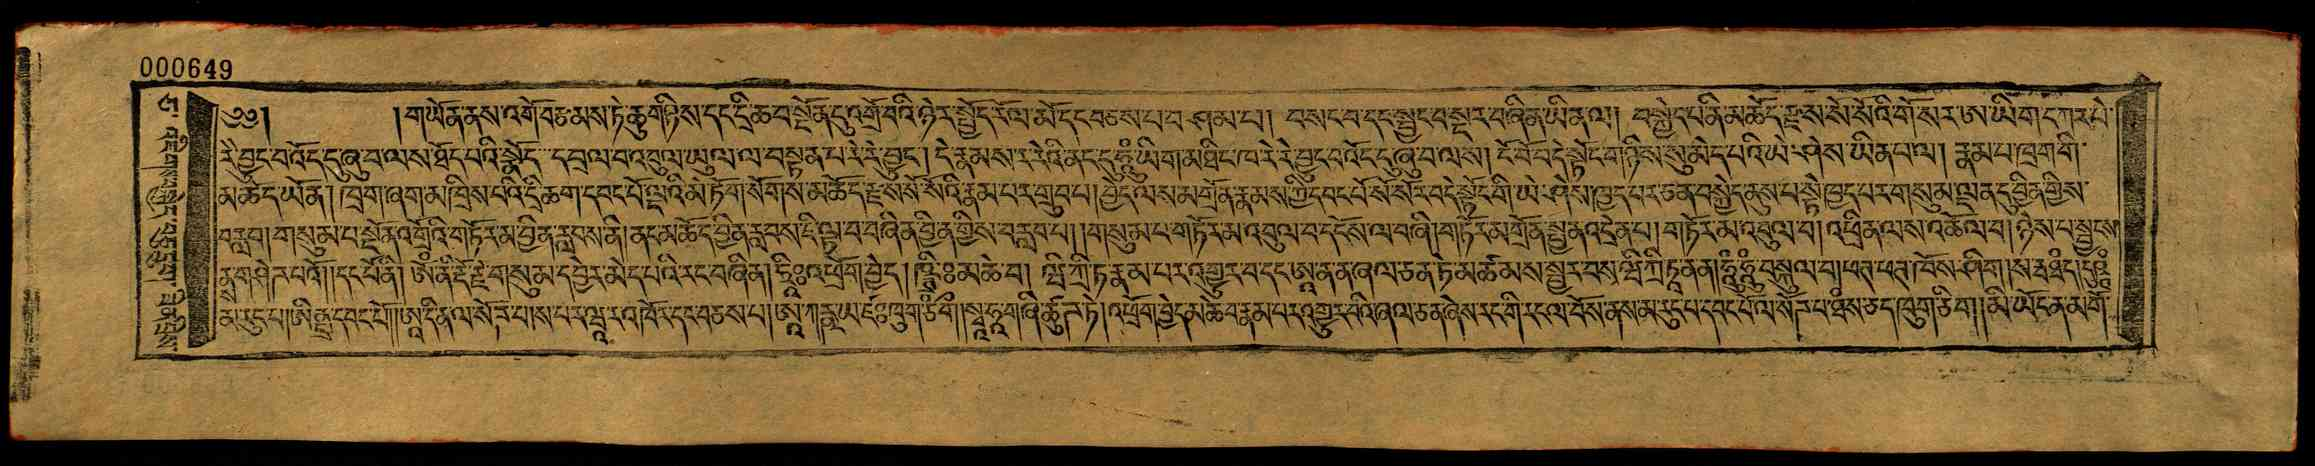༄༅། །གཡོན་ནས་འགོ་བརྩམས་ཏེ་ཆུ་གཉིས་དང་དྲི་ཆབ་སྔོན་དུ་འགྲོ་བའི་ཉེར་སྤྱོད་རོལ་མོ་དང་བཅས་པ་བཤམ་པ། བསང་བ་དང་སྦྱང་བ་སྔར་བཞིན་ཡིན་ལ། བསྐྱེད་པ་ནི་མཆོད་རྫས་སོ་སོའི་གོ་སར་ཨ་ཡིག་དཀར་པོ་
རཻ་བྱུང་བ་འོད་དུ་ཞུ་བ་ལས་ཐོད་པའི་སྣོད་དཔྲལ་བ་འབུལ་ཡུལ་ལ་བསྟན་པ་རེ་རེ་བྱུང་། དེ་རྣམས་རེ་རེའི་ནང་དུ་ཧཱུཾ་ཡིག་མཐིང་ཁ་རེ་རེ་བྱུང་བ་འོད་དུ་ཞུ་བ་ལས། ངོ་བོ་བདེ་སྟོང་གཉིས་སུ་མེད་པའི་ཡེ་ཤེས་ཡིན་པ་ལ། རྣམ་པ་ཁྲག་གི་
མཆོད་ཡོན། ཁྲག་ཞག་མཁྲིས་པའི་དྲི་ཆབ། དབང་པོ་ལྔའི་མེ་ཏོག་སོགས་མཆོད་རྫས་སོ་སོའི་རྣམ་པར་གྲུབ་པ། བྱེད་ལས་མགྲོན་རྣམས་ཀྱི་དབང་པོ་སོ་སོར་བདེ་སྟོང་གི་ཡེ་ཤེས་ཁྱད་པར་ཅན་བསྐྱེད་ནུས་པ་སྟེ་ཁྱད་པར་གསུམ་ལྡན་དུ་བྱིན་གྱིས་
བརླབ། གསུམ་པ་སྔོན་འགྲོའི་གཏོར་མ་བྱིན་རླབས་ནི། ནང་མཆོད་བྱིན་རླབས་ཇི་ལྟ་བ་བཞིན་བྱིན་གྱིས་བརླབ་བོ། །གསུམ་པ་གཏོར་མ་འབུལ་བ་དངོས་ལ་བཞི། གཏོར་མགྲོན་སྤྱན་འདྲེན་པ། གཏོར་མ་འབུལ་བ། འཕྲིན་ལས་འཆོལ་བ། ཉེས་པ་སྦྱངས་
ནས་གཤེགས་པའོ། །དང་པོ་ནི། ཨོཾ་ནི་རྡོ་རྗེ་གསུམ་དབྱེར་མེད་པའི་རང་བཞིན། ཧྲཱིཿ འཕྲོག་བྱེད། ཥྜྲིཿ མཆེ་བ། ཝི་ཀྲི་ཏ་རྣམ་པར་འགྱུར་བ་དང་ཨཱ་ནན་ཞལ་ཅན་ཏེ་མཚམས་སྦྱར་བས་ཝི་ཀྲི་ཏཱ་ནན། ཧཱུཾ་ཧཱུཾ་བསྐུལ་བ། ཕཊ་ཕཊ་ཁོས་ཤིག །སརྦ་ཐམས་ཅད། དུ་ཥྚཾ་
མ་རུངས་པ། ཨིནྡྲ་དབང་པོ། །ཨཱ་དི་ན་ལ་སོགས། ས་པ་རི་ཝཱ་ར་འཁོར་དང་བཅས་པ། ཨཱ་ཀརྵ་ཡ་ཛཿ ཁུག་ཅིག །སྭཱ་ཧཱ་གཞི་ཚུགས་ཏེ། འཕྲོག་བྱེད་མཆེ་བ་རྣམ་པར་འགྱུར་བའི་ཞལ་ཅན་ཞེས་རང་གིས་རང་ལ་བོས་ནས་མ་རུངས་པ་དབང་པོ་ལ་སོགས་པ་ཐམས་ཅད་ཁུག་ཅིག །མི་ཡོང་ན་མགོ་